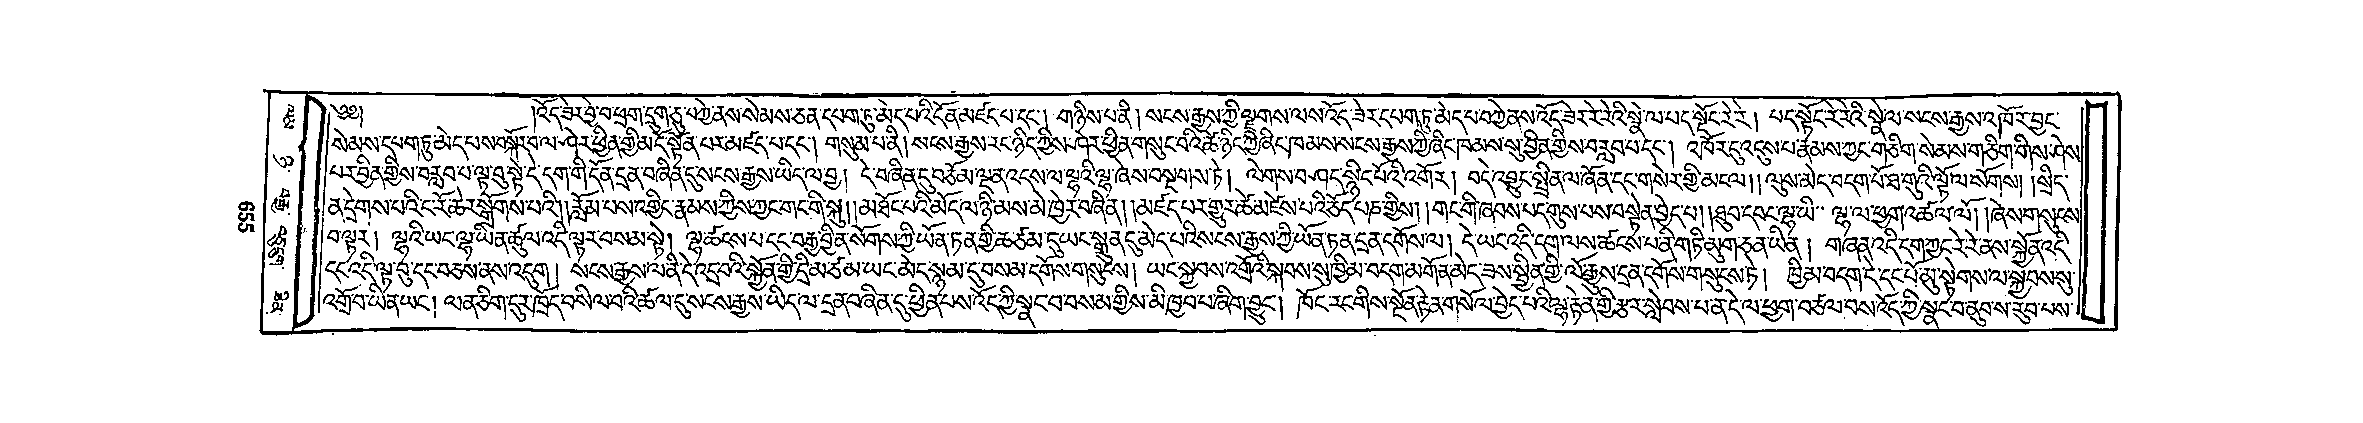༄༅། །འོད་ཟེར་བྱེ་བ་ཕྲག་དྲུག་ཅུ་བཀྱེ་ནས་སེམས་ཅན་དཔག་ཏུ་མེད་པའི་དོན་མཛད་པ་དང་། གཉིས་པ་ནི། སངས་རྒྱས་ཀྱི་ལྗགས་ལས་འོད་ཟེར་དཔག་ཏུ་མེད་པ་བཀྱེ་ནས་འོད་ཟེར་རེ་རེའི་སྣེ་ལ་པད་སྡོང་རེ་རེ། པད་སྟོང་རེ་རེའི་སྣེ་ལ་སངས་རྒྱས་འཁོར་བྱང་
སེམས་དཔག་ཏུ་མེད་པས་བསྐོར་བ་ལ་ཤེར་ཕྱིན་གྱི་མདོ་སྟོན་པར་མཛད་པ་དང་། གསུམ་པ་ནི། སངས་རྒྱས་རང་ཉིད་ཀྱིས་ཤེར་ཕྱིན་གསུང་བའི་ཚེ་ཉིད་ཀྱི་ཞིང་ཁམས་སངས་རྒྱས་ཀྱི་ཞིང་ཁམས་སུ་བྱིན་གྱིས་བརླབ་པ་དང་། འཁོར་དུ་འདུས་པ་རྣམས་ཀྱང་གཅིག་སེམས་གཅིག་གིས་ཤེས་
པར་བྱིན་གྱིས་བརླབ་པ་ལྟ་བུ་སྟེ་དེ་དག་གི་དོན་དྲན་བཞིན་དུ་སངས་རྒྱས་ཡིད་ལ་བྱ། དེ་བཞིན་དུ་བཅོམ་ལྡན་འདས་ལ་ལྷའི་ལྷ་ཞེས་བསྔགས་ཏེ། ལེགས་བཤད་སྙིང་པོའི་འགོར། བདེ་འབྱུང་སྤྲིན་ལ་ཞོན་དང་གསེར་གྱི་མངལ། །ལུས་མེད་བདག་པོ་ཐ་གུའི་ལྟོ་ལ་སོགས། །སྲིད་
ན་དྲེགས་པའི་ང་རོ་ཆེར་སྒྲོགས་པའི། །རློམ་པས་འགྱིང་རྣམས་ཀྱིས་ཀྱང་གང་གི་སྐུ། །མཐོང་པའི་མོད་ལ་ཉི་མས་མེ་ཁྱེར་བཞིན། །མཛད་པར་གྱུར་ཚེ་མཛེས་པའི་ཅོད་པཎ་གྱིས། །གང་གི་ཞབས་པད་གུས་པས་བསྟེན་བྱེད་པ། །ཐུབ་དབང་ལྷ་ཡི་ལྷ་ལ་ཕྱག་འཚལ་ལོ། །ཞེས་གསུངས་
བ་ལྟར། ལྷའི་ཡང་ལྷ་ཡིན་ཚུལ་འདི་ལྟར་བསམ་སྟེ། ལྷ་ཚངས་པ་དང་བརྒྱ་བྱིན་སོགས་ཀྱི་ཡོན་ཏན་གྱི་ཆ་ཙམ་དུ་ཡང་སྒྲུན་དུ་མེད་པའི་སངས་རྒྱས་ཀྱི་ཡོན་ཏན་དྲན་དགོས་ལ། དེ་ཡང་འདི་དག་ལས་ཚངས་པ་ནི་གཏི་མུག་ཅན་ཡིན། གཞན་འདི་དག་ཀྱང་རེ་རེ་ནས་སྐྱོན་འདི་
དང་འདི་ལྟ་བུ་དང་བཅས་ནས་འདུག །སངས་རྒྱས་ལ་ནི་དེ་འདྲ་བའི་སྐྱོན་གྱི་དྲི་མ་ཙམ་ཡང་མེད་སྙམ་དུ་བསམ་དགོས་གསུངས། ཡང་སྐྱབས་འགྲོའི་སྐབས་སུ་ཁྱིམ་བདག་མགོན་མེད་ཟས་སྦྱིན་གྱི་ལོ་རྒྱུས་དྲན་དགོས་གསུངས་ཏེ། ཁྱིམ་བདག་དེ་དང་པོ་མུ་སྟེགས་ལ་སྐྱབས་སུ་
འགྲོ་བ་ཡིན་ཡང་། ལན་ཅིག་དུར་ཁྲོད་བསིལ་བའི་ཚལ་དུ་སངས་རྒྱས་ཡིད་ལ་དྲན་བཞིན་དུ་ཕྱིན་པས་འོད་ཀྱི་སྣང་བ་བསམ་གྱིས་མི་ཁྱབ་པ་ཞིག་བྱུང་། ཁོང་རང་གིས་སྔོན་རྟེན་གསོལ་བྱེད་པའི་ལྷ་རྟེན་གྱི་རྩར་སླེབས་པ་ན་དེ་ལ་ཕྱག་བཙལ་བས་འོད་ཀྱི་སྣང་བ་ནུབ་ས་རུབ་པས་